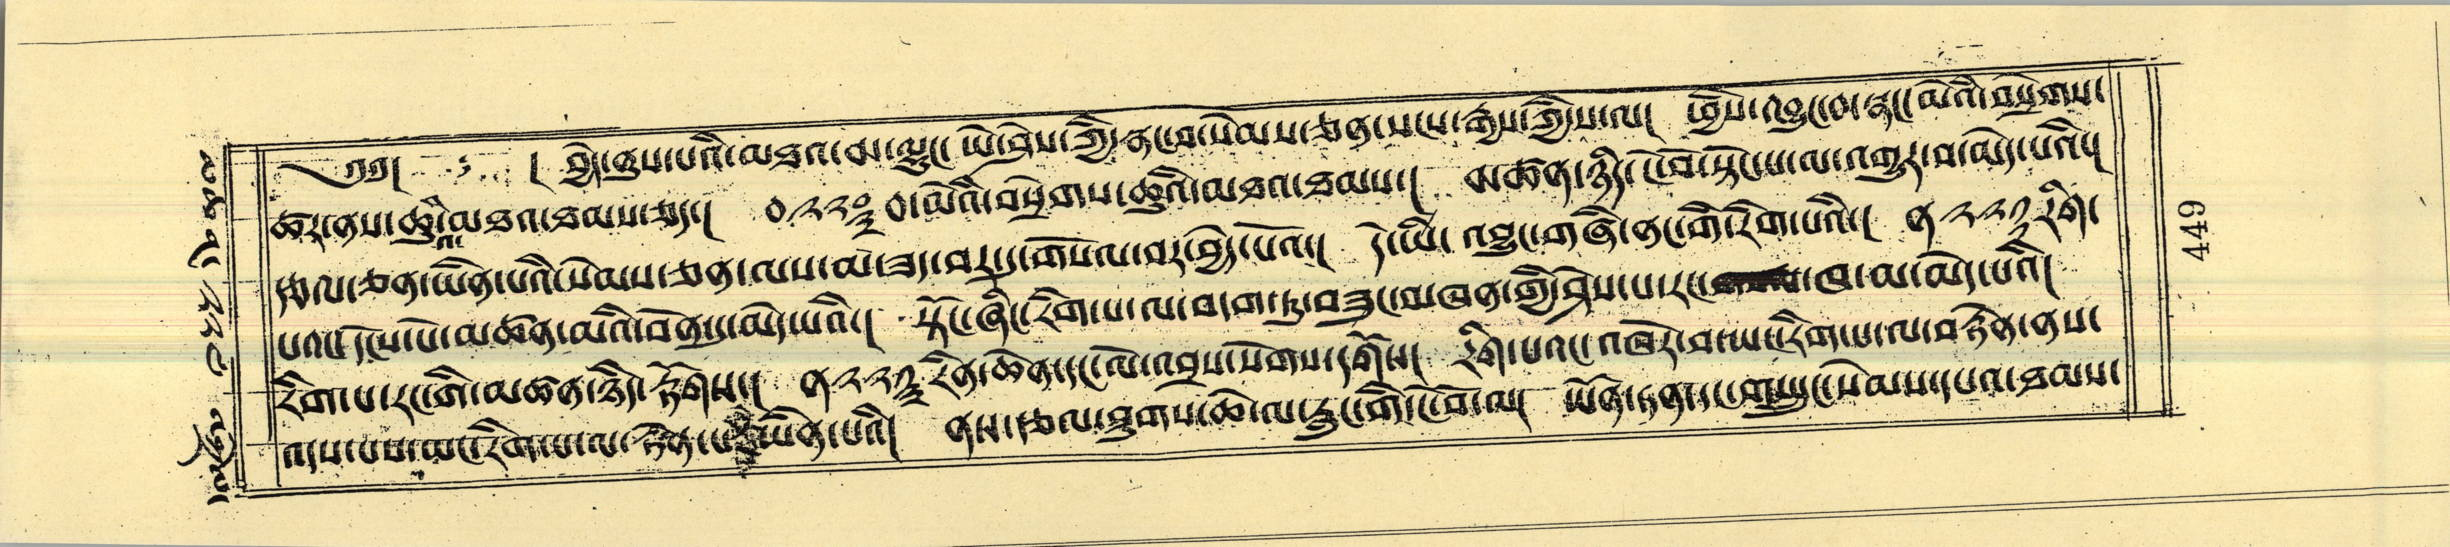བྱེད་ནུས་པའི་མཐའ་༼མ་ལྷུང༽ཡེ་ཤེས་ཀྱི་སྣང་བ་སེམས་ཅན་སངས་རྒྱས་ཀྱི་ས་ལ་ཕྱིས་འབྱུང་བ་སྣང་མེ་ཡིས་བསྲེགས་
ཚར་ནས་ཆུའི་མཐའ་ཐམས་ཅད་བ༢༢༠།༣ བ་མོའི་བསྲེགས་ཆུའི་མཐའ་ཐམས་༼མཚན་ཉིད༽ངོ་བོ་སྟོང་པ་ལ་འགྱུར་བ་མེད་པའི།
༼རྩལ་༽ཅན་ཡིན་པའི་སེམས་ཅན་ལས་མ་ཟད་བར་དུ་གསོལ་བར་བྱེད་པའོ། དེ་ཡི་འབྱུང་གཞི་ནང་གི་རིག་པའི། ན༢༢༡།༡༼རིག་
པའི༽དངོས་པོ་མཚན་མའི་བོན་དུ་མེད་པའི་༼སྟོང་ཞིང་༽རིག་པ་ལ་བདག་ཏུ་བཟུང་མཁན་གྱི་ཤེས་པ་རང་ཁ་མ་མེད་པའི། 
རིག་པ་རང་གི་མཚན་ཉིད་༼རྟོགས༽ན༢༢༡།༣རིན་ཆེན་དང་ལོ་འབྲས་སོགས་༼དགོས༽༼རིག་པའང༽འཁོར་བ་འང་རིག་པ་ལ་བརྟེན་ནས་
འདས་པས་ཡང་རིག་པ་ལ་བརྟེན་པ་ཡིན་པའི། ༼ནས༽རྩལ་ཤུགས་ཆེ་ལ་རླུང་གི་ངོ་བོ་ལ་༼ཡོན་ཏན་དང༽གཡུང་དྲུང་སེམས་དཔའ་ཐམས་